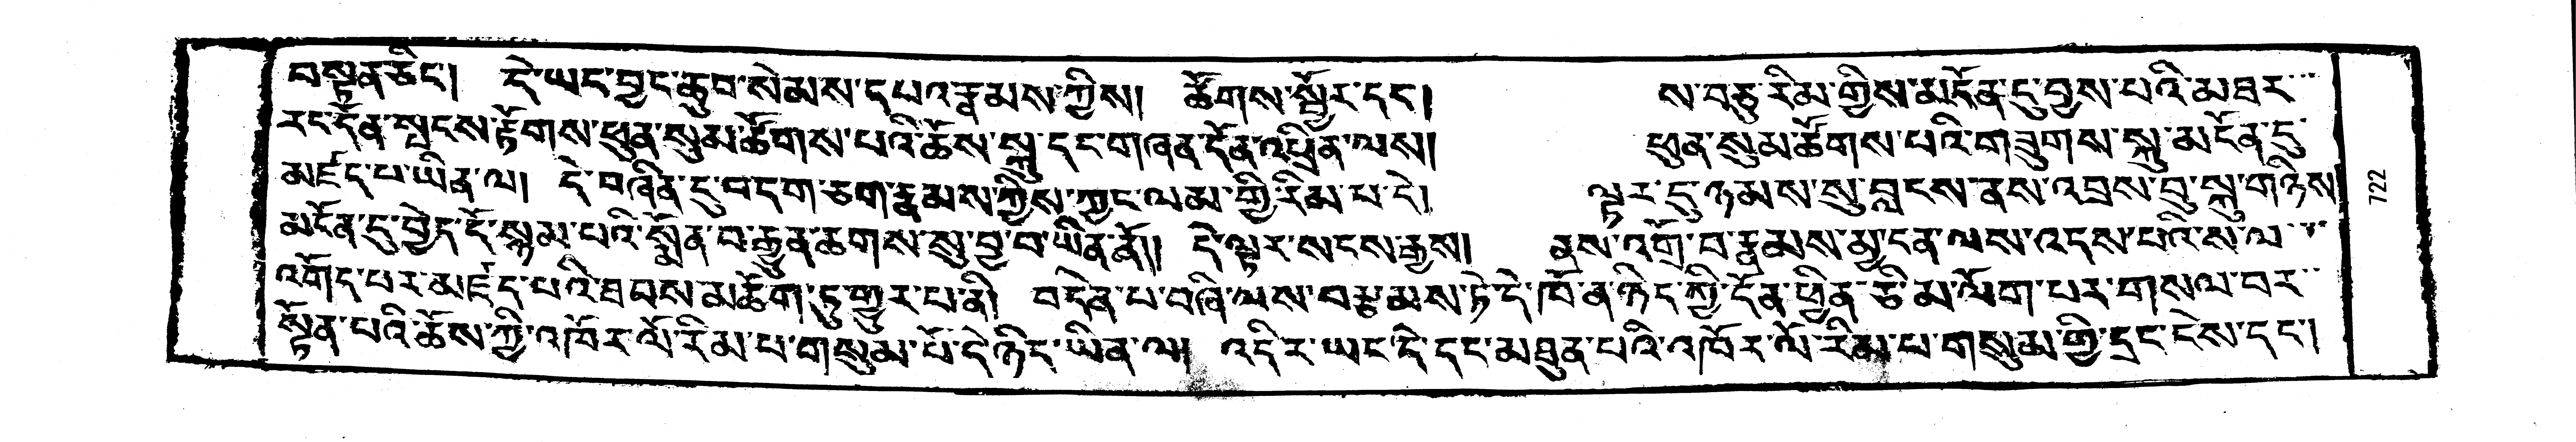བསྟན་ཅིང་། དེ་ཡང་བྱང་ཆུབ་སེམས་དཔའ་རྣམས་ཀྱིས། ཚོགས་སྦྱོར་དང་། ས་བཅུ་རིམ་གྱིས་མངོན་དུ་བྱས་པའི་མཐར་
རང་དོན་སྤངས་རྟོགས་ཕུན་སུམ་ཚོགས་པའི་ཆོས་སྐུ་དང་གཞན་དོན་འཕྲིན་ལས། ཕུན་སུམ་ཚོགས་པའི་གཟུགས་སྐུ་མངོན་དུ་
མཛད་པ་ཡིན་ལ། དེ་བཞིན་དུ་བདག་ཅག་རྣམས་ཀྱིས་ཀྱང་ལམ་གྱི་རིམ་པ་དེ་ལྟར་དུ་ཉམས་སུ་བླངས་ནས་འབྲས་བུ་སྐུ་གཉིས་
མངོན་དུ་བྱེད་དོ་སྙམ་པའི་སྨོན་བ་རྒྱུན་ཆགས་སུ་བྱ་བ་ཡིན་ནོ། །དེ་ལྟར་སངས་རྒྱས། ནས་འགྲོ་བ་རྣམས་མྱ་ངན་ལས་འདས་པའི་ས་ལ་
འགོད་པར་མཛད་པའི་ཐབས་མཆོག་ཏུ་གྱུར་པ་ནི་བདེན་པ་བཞི་ལས་བརྩམས་ཏེ་དེ་ཁོ་ན་ཉིད་ཀྱི་དོན་ཕྱིན་ཅི་མ་ལོག་པར་གསལ་བར་
སྟོན་པའི་ཆོས་ཀྱི་འཁོར་ལོ་རིམ་པ་གསུམ་པོ་དེ་ཉིད་ཡིན་ལ། འདིར་ཡང་དེ་དང་མཐུན་པའི་འཁོར་ལོ་རིམ་པ་གསུམ་གྱི་དྲང་ངེས་དང་།